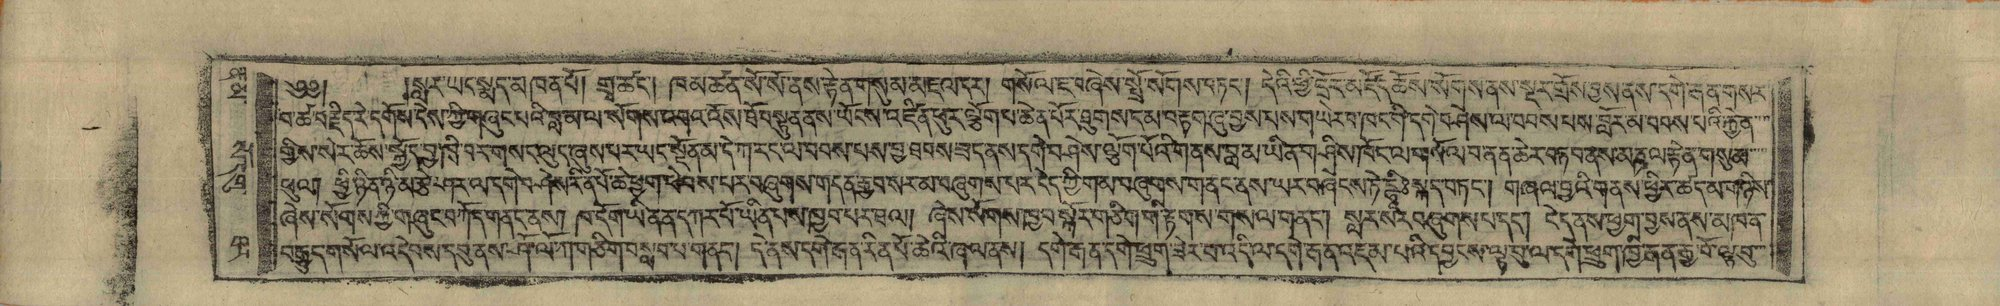༄༅། །སླར་ཡང་སྨད་མཁན་པོ། གྲྭ་ཚང་། ཁམ་ཚན་སོ་སོ་ནས་རྟེན་གསུམ་མཇལ་དར། གསོལ་ཇ་བཞེས་སྤྲོ་སོགས་བཏང་། དེའི་ཕྱི་དྲོར་མཛོད་ཆོས་སོགས་ནས་སྔར་གྲོས་བྱས་ནས་དགེ་རྒན་གསར་
བ་ཚ་བརྗིད་རེ་དགོས་ངེས་ཀྱི་གཞུང་པའི་བླ་མ་ལ་སོགས་འགའ་འོས་ཐོ་བསྟུན་ནས་ཡོངས་འཛིན་ཕུར་ལྕོག་པ་ཆེན་པོར་ཐུགས་དམ་བརྟག་ཞུ་བྱས་པས་གཡེར་བ་ཁང་གི་དགེ་བཤེས་ལ་བབས་པས་བློར་མ་བབས་པའི་རྐྱེན་
གྱིས་སེ་ར་ཆོས་སྐྱོང་བྱ་ཁྲི་བར་གསང་ལུང་ཞུས་པར་ཡང་སྔོན་མ་དེ་ཀ་རང་ལ་བབས་པས་བྱ་ཐབས་ཟད་ནས་དགེ་བཤེས་ལྕོག་པོའི་གནས་བླ་མ་ཡིན་གཤིས་ཁོང་ལ་གསོལ་བ་ནན་ཆེར་བཏབ་ནས་མཎྜལ་རྟེན་གསུམ་
ཕུལ། ཕྱི་ཉིན་ཉི་མ་རྩེ་ཤར་ལ་དགེ་བཤེས་རིན་པོ་ཆེ་ཕྱག་ཕེབས་པར་བཞུགས་གདན་རྒྱབ་སར་མ་བཞུགས་པར་ངེད་ཀྱི་གམ་བཞུགས་གནང་ནས་ཡར་བཞེངས་ཏེ་དྷཱིཿ སྐད་བཏང་། གཞལ་བྱའི་གནས་ཕྱིར་ཚད་མ་གཉིས་
ཞེས་སོགས་ཀྱི་གཞུང་བཀོད་གནང་ནས། ཁ་དོག་ཡིན་ན་དཀར་པོ་ཡིན་པས་ཁྱབ་པར་ཐལ། ཞེས་སོགས་ཁྱབ་སྐོར་གཅིག་གི་རྟགས་གསལ་གནང་། སླར་སར་བཞུགས་པ་དང་། ངེད་ནས་ཕྱག་བྱས་ནས་མཁན་
བརྒྱུད་གསོལ་འདེབས་དབུ་ནས་ཤོ་ལོ་ཀ་གཅིག་བསླབ་པ་གནང་། དེ་ནས་དགེ་རྒན་རིན་པོ་ཆེའི་ཞལ་ནས། དགེ་རྒན་དགེ་ཕྲུག་ཟེར་བ་འདི་ལ་དགེ་རྒན་འཇམ་པའི་དབྱངས་ལྟ་བུ་ལ་དགེ་ཕྲུག་ཁྱི་རྒན་རྒྱ་བོ་ལྟ་བུ་